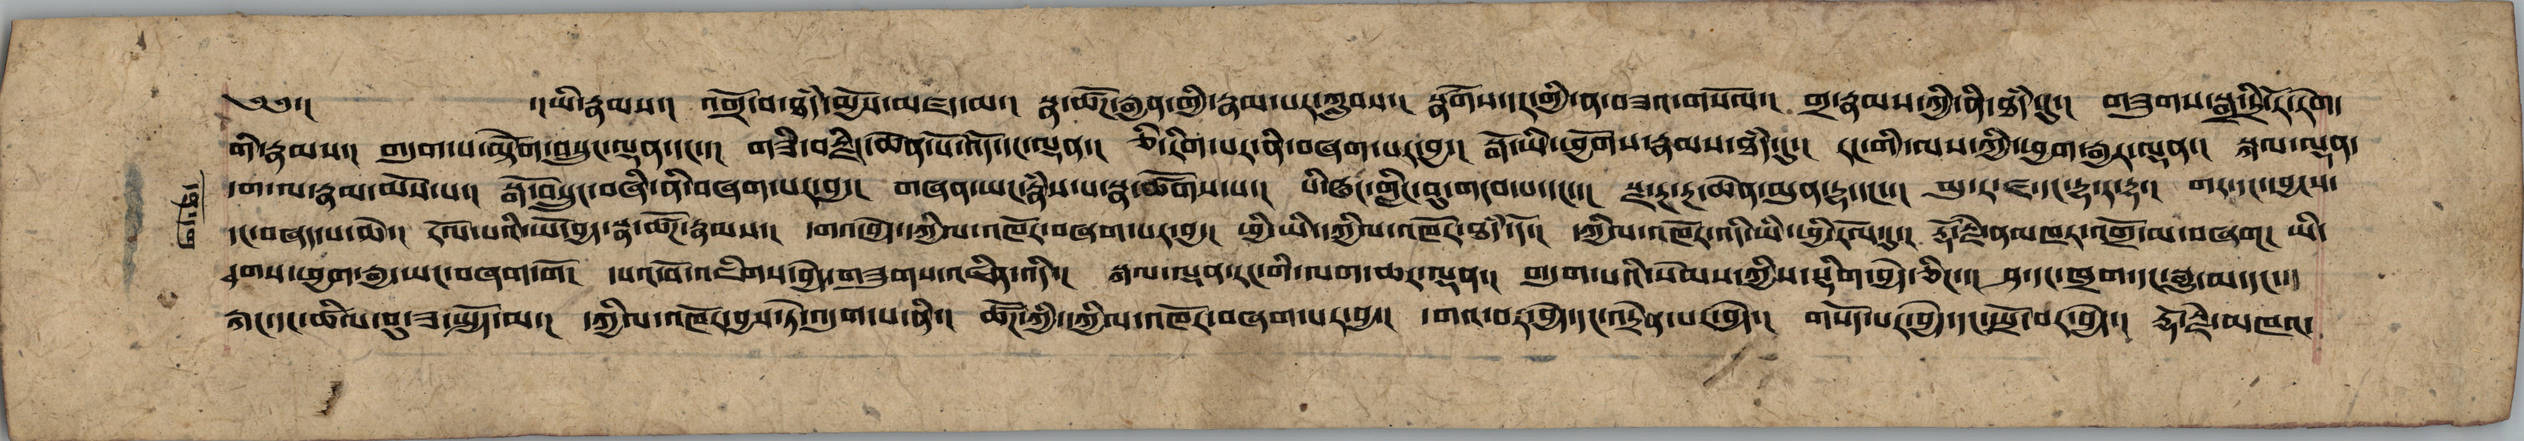༄༅་། ་།ཡི་རྣམས་། འགྲོ་བ་ཐཾད་མྱོས་མཛད་མ་། སྣ་ཚོཌ་རྒྱན་གྱི་རྣམ་པར་ཀླུབས་། སྣཚོཌ་དར་གྱི་ན་བཟའ་གསོལ་། གྲ་རྣམས་ཀྱི་ནི་ཐཾད་དུ་། གཟུགས་སྒྲ་དྲི་རོ་རེག་
གི་རྣམས་། གདུག་པ་མྟེོག་བསྲུང་ལྡན་དང་་། གཟི་བརྗིད་ཆེན་པོ་འོད་དང་ལྡན་། ཅི་རིག་པར་ནི་བཞག་པར་བྱ་། སྒོ་ཡི་ཕྱོགས་རྣམས་ཐཾད་དུ་། རང་གི་ལས་ཀྱི་ཕྱག་རྒྱར་ལྡན་། སྐལ་ལྡན་
དག་ལ་རྣམ་མོས་པ་། སྒོ་བསྲུང་བཞི་ནི་བཞག་པར་བྱ་། གཞན་ཡང་རྣཾས་པ་སྣ་ཚོགས་པ་། པི་ཝང་གླིང་བུ་གདབ་པ་དང་་། སྫ་རྔ་རྔ་ཆེན་མུན་དྷ་དང་་། མུ་ར་ཛ་དང་དྷ་ར་དྷ་། གར་དང་དབྱངས་
དང་བཞད་པ་ཆེ་། རོལ་པའི་ཡོ་བྱད་སྣ་ཆོཌ་རྣམས་། དགའ་བྱེད་དཀྱིལ་འཁོར་བཞག་པར་བྱ་། ཕྱི་ཡི་དཀྱིལ་འཁོར་ཐཾད་དོ་། དཀྱིལ་འཁོར་འདི་ཡི་ཕྱི་རོལ་དུ་། རྡོ་རྗེ་ནམཁར་འགྲོ་མ་བཞག། ཡི་
དྭགས་ཕྱག་རྒྱ་ཡང་བཞག་གོ་། དཔའ་བོ་འཇིགས་བྱེད་གཟུགས་འཛིན་འདི་། སྐལ་ལྡན་རང་གི་ལག་ཆར་ལྡན་། གདུག་པའི་སེམས་ཀྱིས་སྡིག་བྱེད་ཅིང་་། ཤ་དང་ཁྲག་དང་སྒྱུ་མ་དང་་།
རྐང་དང་ཚིལ་བུ་ཟ་སྤྱོད་མ་། དཀྱིལ་འཁོར་བྱས་ཏེ་འདུག་པ་ནི་། ཚོཌ་ཀྱི་དཀྱིལ་འཁོར་བཞག་པར་བྱ་། དགའ་བར་བྱེད་དང་འདྲེན་པར་བྱེད་། གསོད་པར་བྱེད་དང་སྤྲོ་བར་བྱེད་། རྡོ་རྗེ་མཁའ་